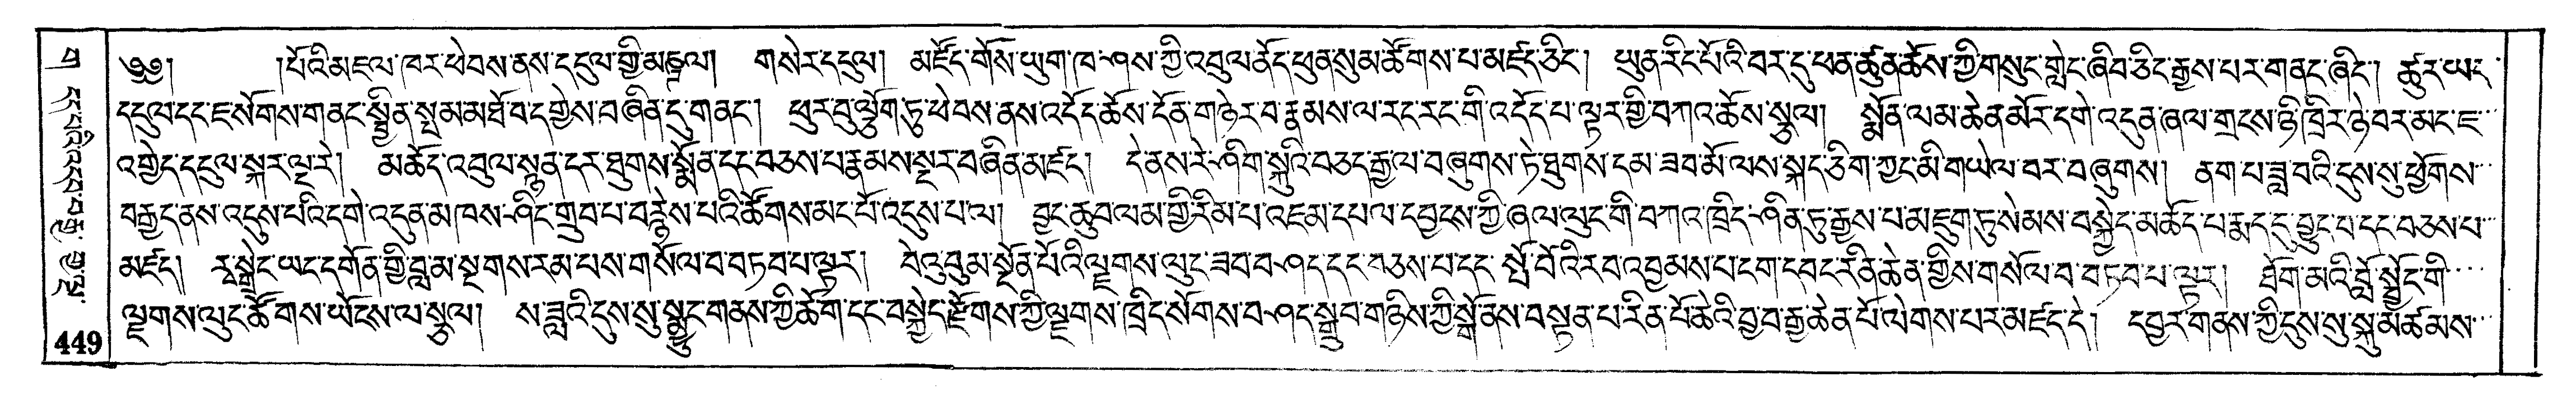༄༅། །པོའི་མཇལ་ཁར་ཕེབས་ནས་དངུལ་གྱི་མཎྜལ། གསེར་དངུལ། མཛོད་གོས་ཡུག་ཁ་ཤས་ཀྱི་འབུལ་ནོད་ཕུན་སུམ་ཚོགས་པ་མཛད་ཅིང་། ཡུན་རིང་བོའི་བར་དུ་ཕན་ཚུན་ཆོས་ཀྱི་གསུང་གླེང་ཞིབ་ཅིང་རྒྱས་པར་གནང་ཞིང་། ཚུར་ཡང་
དངུལ་དང་ཇ་སོགས་གནང་སྦྱིན་སྤམ་མཐོབ་དགྱེས་བཞིན་དུ་གནང་། ཕུར་བུ་ལྕོག་ཏུ་ཕེབས་ནས་འདོད་ཆོས་དོན་གཉེར་བ་རྣམས་ལ་རང་རང་གི་འདོད་པ་ལྟར་གྱི་བཀའ་ཆོས་སྩལ། སྨོན་ལམ་ཆེན་མོར་དགེ་འདུན་ཞལ་གྲངས་ཉི་ཁྲིར་ཉེ་བར་མང་ཇ་
འགྱེད་དངུལ་སྐར་ལྔ་རེ། མཆོད་འབུལ་སྙན་དར་ཐུགས་སྨོན་དང་བཅས་པ་རྣམས་སྔར་བཞིན་མཛད། དེ་ནས་རེ་ཤིག་སྐུའི་བཅད་རྒྱལ་བཞུགས་ཏེ་ཐུགས་དམ་ཟབ་མོ་ལས་སྐད་ཅིག་ཀྱང་མི་གཡེལ་བར་བཞུགས། ནག་པ་ཟླ་བའི་དུས་སུ་ཕྱོགས་
བརྒྱད་ནས་འདུས་པའི་དགེ་འདུན་མཁས་ཤིང་གྲུབ་པ་བརྙེས་པའི་ཚོགས་མང་པོ་འདུས་པ་ལ། བྱང་ཆུབ་ལམ་གྱི་རིམ་པ་འཇམ་དཔལ་དབྱངས་ཀྱི་ཞལ་ལུང་གི་བཀའ་ཁྲིད་ཤིན་ཏུ་རྒྱས་པ་མཇུག་ཏུ་སེམས་བསྐྱེད་མཆོད་པ་རྨད་དུ་བྱུང་བ་དང་བཅས་པ་
མཛད༑ རྭ་སྒྲེང་ཡང་དགོན་གྱི་བླ་མ་སྔགས་རམ་པས་གསོལ་བ་བཏབ་པ་ལྟར། བེའུ་བུམ་སྔོན་པོའི་ལྗགས་ལུང་ཟབ་བཤད་དང་བཅས་པ་དང་སྤོ་བོའི་རབ་འབྱམས་པ་ངག་དབང་རིན་ཆེན་གྱིས་གསོལ་བ་བཏབ་པ་ལྟར། ཐོག་མའི་བློ་སྦྱོང་གི་
ལྗགས་ལུང་ཚོགས་ཡོངས་ལ་སྩལ། ས་ཟླའི་དུས་སུ་སྨྱུང་གནས་ཀྱི་ཆོག་དང་བསྐྱེད་རྫོགས་ཀྱི་ལྗགས་ཁྲིད་སོགས་བཤད་སྒྲུབ་གཉིས་ཀྱི་སྒོ་ནས་བསྟན་པ་རིན་པོ་ཆེའི་བྱ་བ་རྒྱ་ཆེན་པོ་ལེགས་པར་མཛད་དེ། དབྱར་གནས་ཀྱི་དུས་སུ་སྐུ་མཚམས་